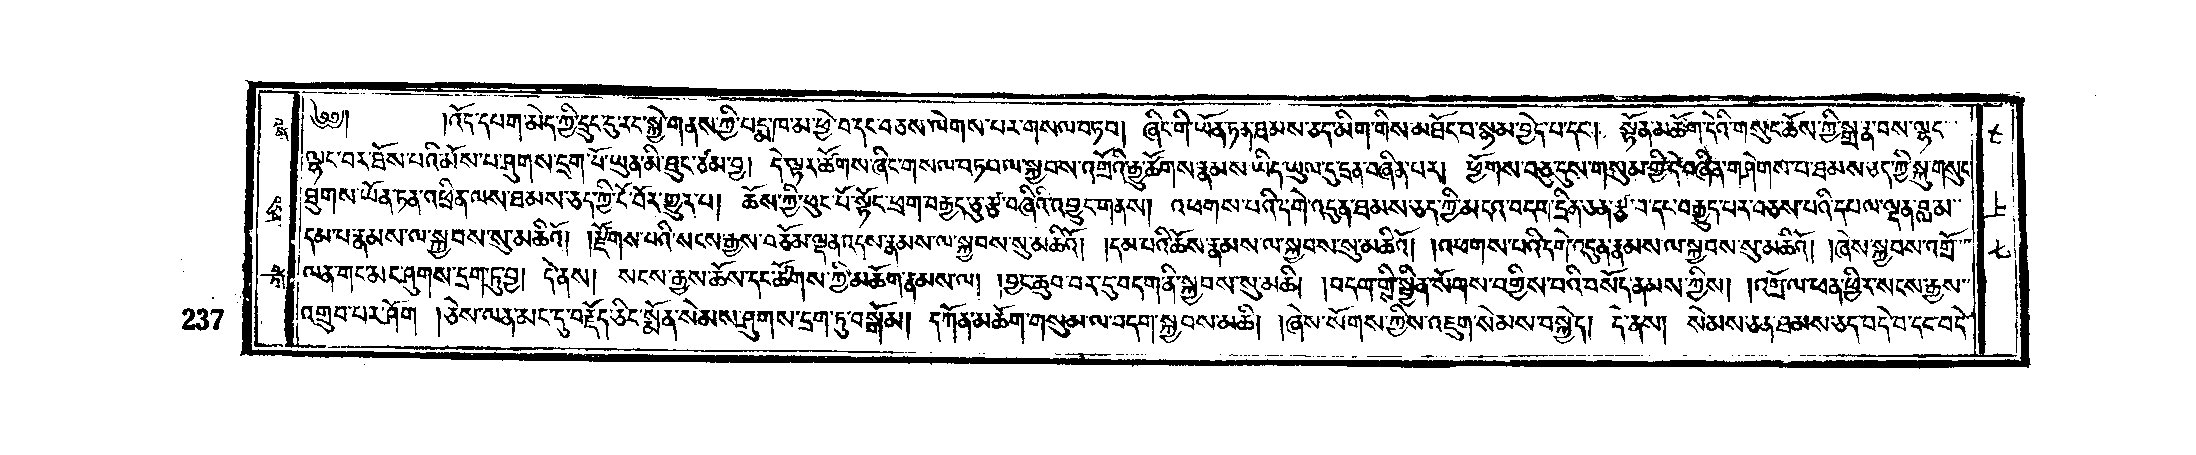༄༅། །འོད་དཔག་མེད་ཀྱི་དྲུང་དུ་རང་སྐྱེ་གནས་ཀྱི་པདམ་ཁ་མ་ཕྱེ་བ་དང་བཅས་ལེགས་པར་གསལ་བཏབ། ཞིང་གི་ཡོན་ཏན་ཐམས་ཅད་མིག་གིས་མཐོང་བ་སྙམ་བྱེད་པ་དང་། སྟོན་མཆོག་དེའི་གསུང་ཆོས་ཀྱི་སྒྲ་རྣ་བས་ལྷང་
ལྷང་བར་ཐོས་པའི་མོས་པ་ཤུགས་དྲག་པོ་ཡུན་མི་ཐུང་ཙམ་བྱ། དེ་ལྟར་ཚོགས་ཞིང་གསལ་བཏབ་ལ་སྐྱབས་འགྲོའི་རྒྱུ་ཚོགས་རྣམས་ཡིད་ཡུལ་དུ་དྲན་བཞིན་པར། ཕྱོགས་བཅུ་དུས་གསུམ་གྱི་དེ་བཞིན་གཤེགས་པ་ཐམས་ཅད་ཀྱི་སྐུ་གསུང་
ཐུགས་ཡོན་ཏན་འཕྲིན་ལས་ཐམས་ཅད་ཀྱི་ངོ་བོར་གྱུར་པ། ཆོས་ཀྱི་ཕུང་པོ་སྟོང་ཕྲག་བརྒྱད་ཅུ་རྩ་བཞིའི་འབྱུང་གནས། འཕགས་པའི་དགེ་འདུན་ཐམས་ཅད་ཀྱི་མངའ་བདག་དྲིན་ཅན་རྩ་བ་དང་བརྒྱུད་པར་བཅས་པའི་དཔལ་ལྡན་བླ་མ་
དམ་པ་རྣམས་ལ་སྐྱབས་སུ་མཆིའོ། །རྫོགས་པའི་སངས་རྒྱས་བཅོམ་ལྡན་འདས་རྣམས་ལ་སྐྱབས་སུ་མཆིའོ། །དམ་པའི་ཆོས་རྣམས་ལ་སྐྱབས་སུ་མཆིའོ། །འཕགས་པའི་དགེ་འདུན་རྣམས་ལ་སྐྱབས་སུ་མཆིའོ། །ཞེས་སྐྱབས་འགྲོ་
ལན་གང་མང་ཤུགས་དྲག་ཏུ་བྱ། དེ་ནས། སངས་རྒྱས་ཆོས་དང་ཚོགས་ཀྱི་མཆོག་རྣམས་ལ། །བྱང་ཆུབ་བར་དུ་བདག་ནི་སྐྱབས་སུ་མཆི། །བདག་གིས་སྦྱིན་སོགས་བགྱིས་བའི་བསོད་ནམས་ཀྱིས། །འགྲོ་ལ་ཕན་ཕྱིར་སངས་རྒྱས་
འགྲུབ་པར་ཤོག །ཅེས་ལན་མང་དུ་བརྗོད་ཅིང་སྨོན་སེམས་ཤུགས་དྲག་ཏུ་བསྒོམ། དཀོན་མཆོག་གསུམ་ལ་བདག་སྐྱབས་མཆི། །ཞེས་སོགས་ཀྱིས་འཇུག་སེམས་བསྐྱེད། དེ་ནས། སེམས་ཅན་ཐམས་ཅད་བདེ་བ་དང་བདེ་